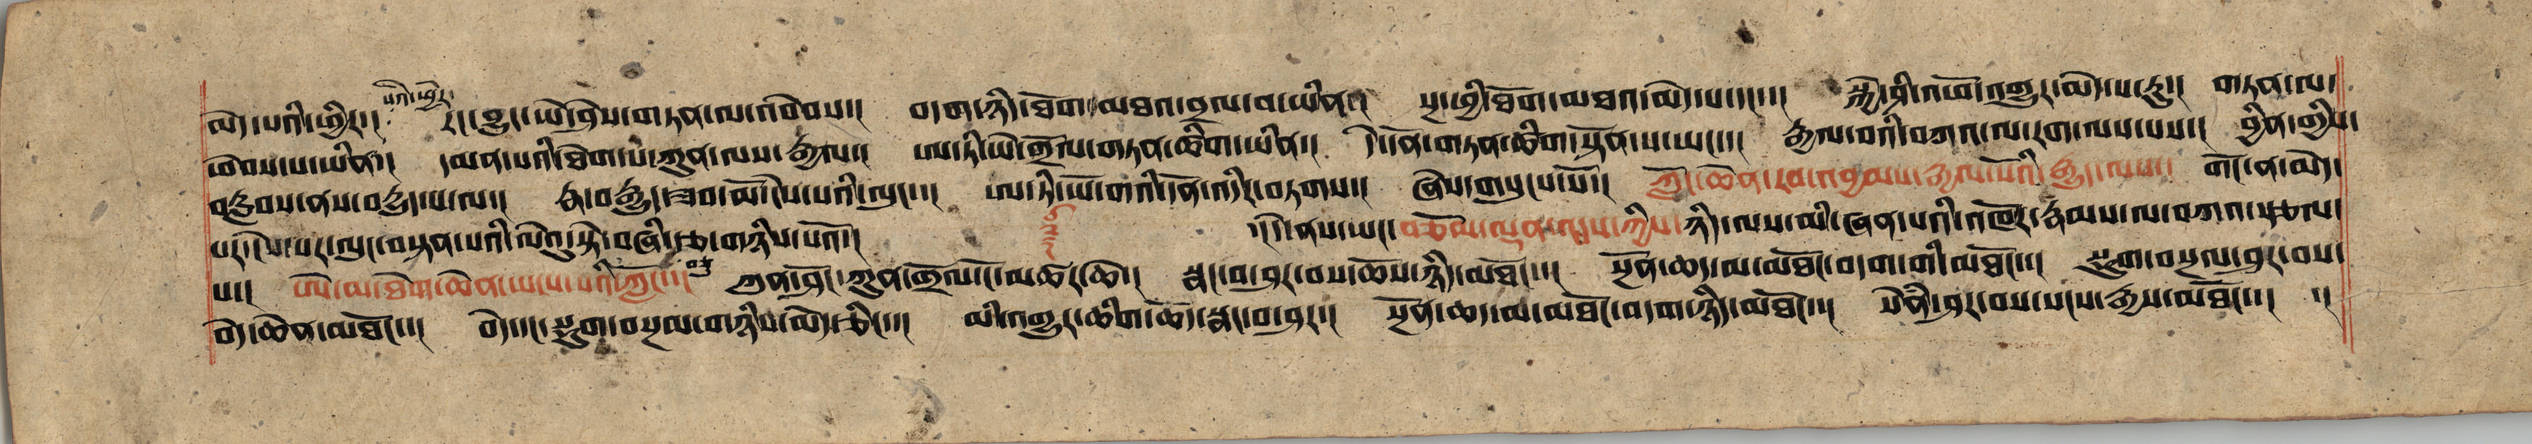མེད་པའི་ཕྱིར་། རང་བྱུང་ཡེ་ཤེས་གཏན་ལ་འབེབས་། བདག་ཉིད་ཐོག་མཐའ་བྲལ་བ་ཡིན་། སྔ་ཕྱི་ཐོག་མཐའ་མེད་པ་དང་་། སྐྱེ་ཤི་འཕོ་འགྱུར་མེད་པ་རུ་། གཏན་ལ་
ཕེབས་པ་ཡིན་། དམན་པའི་ཐེག་པ་ཀུན་ལས་རྒྱལ་། ཨ་ཏི་ཡེ་གྲོལ་གཏན་ཚིག་ཡིན་། དེ་དོན་གཏན་ཚིག་སྟོན་པ་ཡང་་། རྒྱལ་བའི་བཀའ་ལ་རག་ལས་པས་། བྱིན་གྱིས་
བརླབས་ནས་བདྱུད་པ་ལ་། རྣ་བརྒྱུད་ཟབ་མོ་ངེས་པའི་ལུང་་། ཨ་ཏི་ཡོ་གའི་དོན་འདིར་བཏགས་། ཞེས་གསུངས་སོ་། ཀློང་ཆེན་རབ་འབྱམས་རྒྱལ་པོའི་རྒྱུད་ལས་། གོང་ན་མེད་
པར་ངེས་པར་ལུང་བསྟན་པའི་ལེའུ་སྟེ་བཞི་བཅུ་རྩ་གཉིས་པའོ་། ༈ ་།དེ་ནས་ཡང་བཅོམ་ལྡན་འདས་ཀྱིས་ཉིད་ལས་མི་ཞན་པའི་འཁོར་རྣམས་ལ་བཀའ་སྩལ་
པ་། ཨེ་མ་ཐེག་ཆེན་ཡངས་པའི་ཀློང་་། ཀུན་ཤོང་ཀུན་གྲོལ་ངོ་མཚར་ཆེ་། སྣང་བ་ཤར་བས་ཆོས་ཉིད་མཐོང་་། སྔོན་ཆད་མ་མཐོང་བདག་གི་མཐོང་་། སྡུག་བསྔལ་ཤར་བས་
བདེ་ཆེན་མཐོང་་། བདེ་དང་སྡུག་བསྔལ་གཉིས་མེད་ཅིང་་། མི་འགྱུར་ཆིག་ཆོད་སྣང་བ་ཤར་། སྔོན་ཆད་མ་མཐོང་བདག་ཉིད་མཐོང་་། སེཾན་ཤར་བས་སངས་རྒྱས་མཐོང་་།